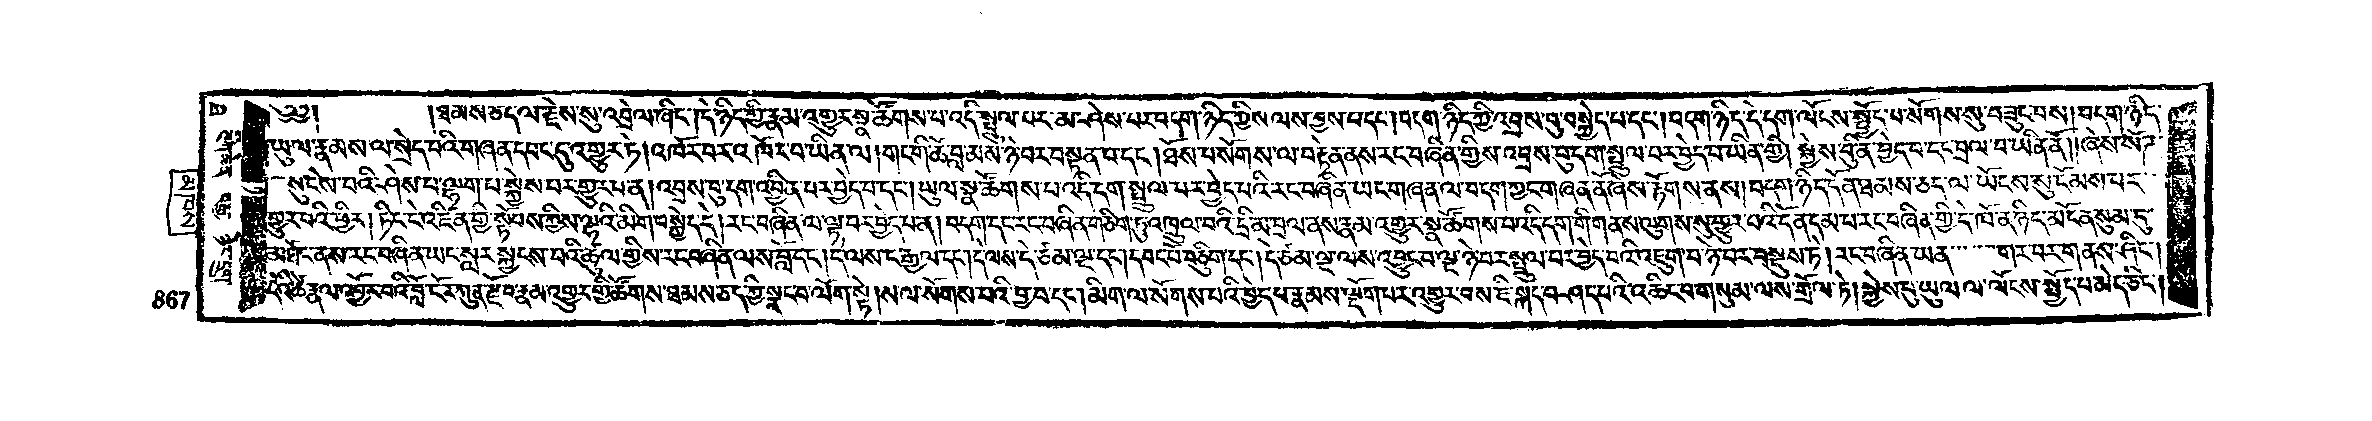༄༅། །ཐམས་ཅད་ལ་རྗེས་སུ་འབྲེལ་ཞིང་། དེ་ཉིད་ཀྱི་རྣམ་འགྱུར་སྣ་ཚོགས་པ་འདི་སྤྲུལ་པར་མ་ཤེས་པར་བདག་ཉིད་ཀྱིས་ལས་བྱས་པ་དང་། བདག་ཉིད་ཀྱི་འབྲས་བུ་བསྐྱེད་པ་དང་། བདག་ཉིད་དེ་དག་ལོངས་སྤྱོད་པ་སོགས་སུ་བཟུང་བས། བདག་ཉིད་
ཡུལ་རྣམས་ལ་སྲེད་པའི་གཞན་དབང་དུ་འགྱུར་ཏེ། འཁོར་བར་འཁོར་བ་ཡིན་ལ། གང་གི་ཚེ་བླ་མས་ཉེ་བར་བསྟན་པ་དང་། ཐོས་པ་སོགས་ལ་བརྟེན་ནས་རང་བཞིན་གྱིས་འབྲས་བུ་དག་སྤྲུལ་བར་བྱེད་པ་ཡིན་གྱི། སྐྱེས་བུ་ནི་བྱེད་པ་དང་བྲལ་བ་ཡིན་ནོ། །ཞེས་སོགས་
སུ་ངེས་པའི་ཤེས་པ་ལྷག་པ་སྐྱེས་པར་གྱུར་པ་ན། འབྲས་བུ་དག་འབྱིན་པར་བྱེད་པ་དང་། ཡུལ་སྣ་ཚོགས་པ་འདི་དག་སྤྲུལ་པར་བྱེད་པའི་རང་བཞིན་ཡང་གཞན་ལ་བདག་ཀྱང་གཞན་ནོ་ཞེས་རྟོགས་ནས། བདག་ཉིད་དོན་ཐམས་ཅད་ལ་ཡོངས་སུ་ངོམས་པར་
གྱུར་བའི་ཕྱིར། ཏིང་ངེ་འཛིན་གྱི་སྟོབས་ཀྱིས་ལྷའི་མིག་བསྐྱེད་དེ། རང་བཞིན་ལ་ལྟ་བར་བྱེད་པ་ན། བདག་དང་རང་བཞིན་གཅིག་ཏུ་འཁྲུལ་བའི་དྲི་མ་བྲལ་ནས་རྣམ་འགྱུར་སྣ་ཚོགས་པའི་འདི་དག་གི་གནས་ལུགས་སུ་གྱུར་བའི་དོན་དམ་པ་རང་བཞིན་གྱི་དེ་ཁོ་ན་ཉིད་མངོན་སུམ་དུ་
མཐོང་ནས་རང་བཞིན་ཡང་སླར་སྐྱངས་པའི་ཚུལ་གྱིས་རང་བཞིན་ལས་བློ་དང་། དེ་ལས་ང་རྒྱལ་དང་། དེ་ལས་དེ་ཙམ་ལྔ་དང་། དབང་པོ་བཅུ་གཅིག་དང་། དེ་ཙམ་ལྔ་ལས་འབྱུང་བ་ལྔ་ཉེ་བར་སྤྲུལ་པར་བྱེད་བའི་འཇུག་པ་ཉེ་བར་བསྡུས་ཏེ། རང་བཞིན་ཡན་གར་བར་གནས་ཤིང་།
དེའི་ཚེ་རྣལ་འབྱོར་བའི་བློ་ངོར་ཀུན་རྫོབ་རྣམ་འགྱུར་གྱི་ཚོགས་ཐམས་ཅད་ཀྱི་སྣང་བ་ལོག་སྟེ། ས་ལ་སོགས་པའི་བྱ་བ་དང་། མིག་ལ་སོགས་པའི་བྱེད་པ་རྣམས་ལྡོག་པར་འགྱུར་བས་ཇི་སྐད་བཤད་པའི་འཆིང་བ་གསུམ་ལས་གྲོལ་ཏེ། སྐྱེས་བུ་ཡུལ་ལ་ལོངས་སྤྱོད་པ་མེད་ཅིང་།